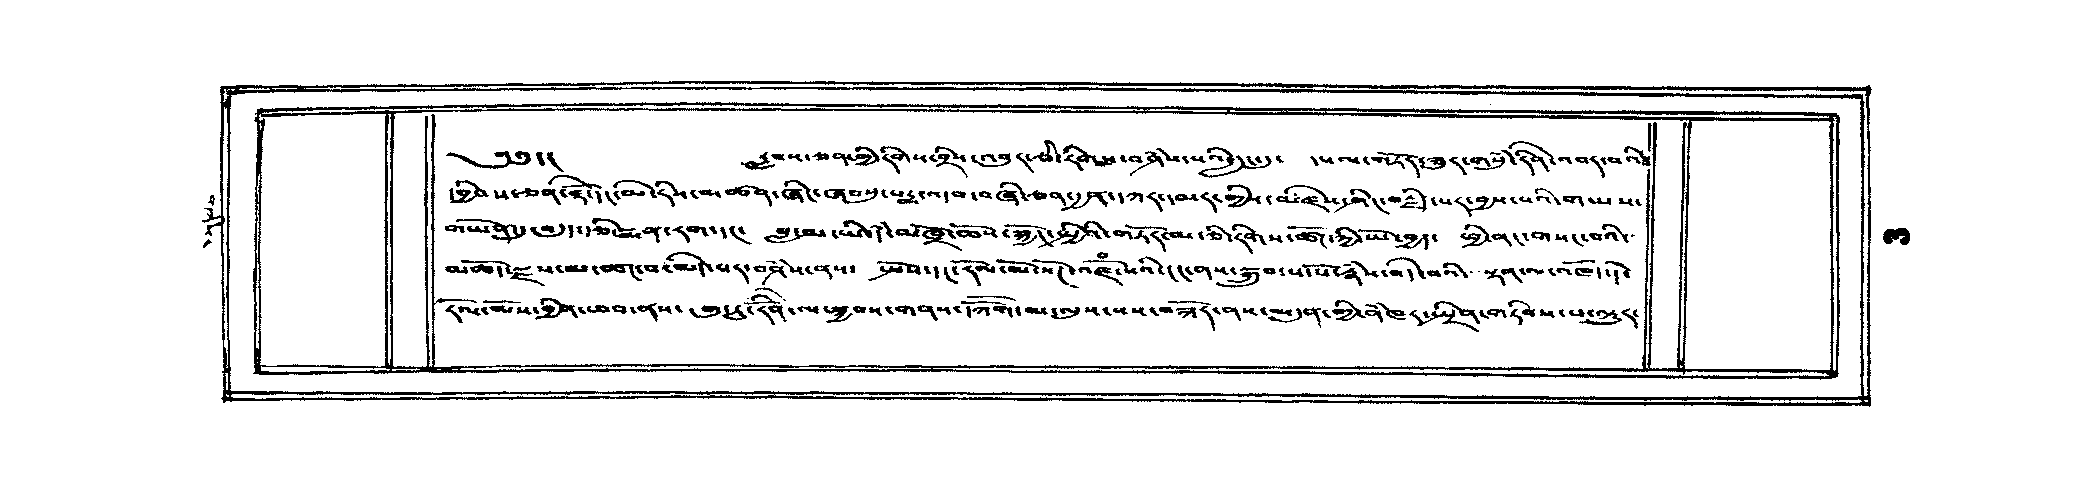རླབས་ཅན་གྱི་རིགས་བྲིས་འབུར་ཅི་རིགས་བཤམས་པའི་དྲུང་དུ། དཔལ་གཏོར་ཟུར་གསུམ་རིན་ཆེན་འབར་བའི་
དབྱིབས་ཅན་རྡོ་རྗེ་དང་མེ་རིས་མཚན་ཞིང་ཞབས་སུ་པདྨ་འདབ་བཞི་ཅན་རྒྱན་དཀར་དམར་གྱིས་མཛེས་ཤིང་བརྗིད་པར་བྱས་པའི་གཡས་
གཡོན་དུ་བདུད་བདུད་རྩི་སྨན་རག་དང་། བླ་མ་ཡི་དམ་མཁའ་འགྲོ་ཆོས་སྐྱོང་སྤྱིའི་གཏོར་མ་ཅི་རིགས་ཚོགས་ཀྱི་ཡོ་བྱད། ཕྱི་ནང་གསང་བའི་
མཆོད་རྫས་མ་ཚང་བ་མེད་པ་བཤམས་ནས། སྤོས་དང་རོལ་མོ་སོགས་འཛོམ་པའི་ངང་ནས་སྒྲུབ་པ་པོ་རྣམས་བདེ་བའི་སྟན་ལ་འཁོད་དེ་
རོལ་མོས་བྱིན་ཕབ་ནས། གུ་རུ་རིན་པོ་ཆེ་ལ་སྐྱབས་གནས་དཀོན་མཆོག་མ་ལུས་པས་བསྐོར་ནས་མདུན་གྱི་ནམ་མཁར་སྤྲིན་གཏིབས་པ་ལྟ་བུར་